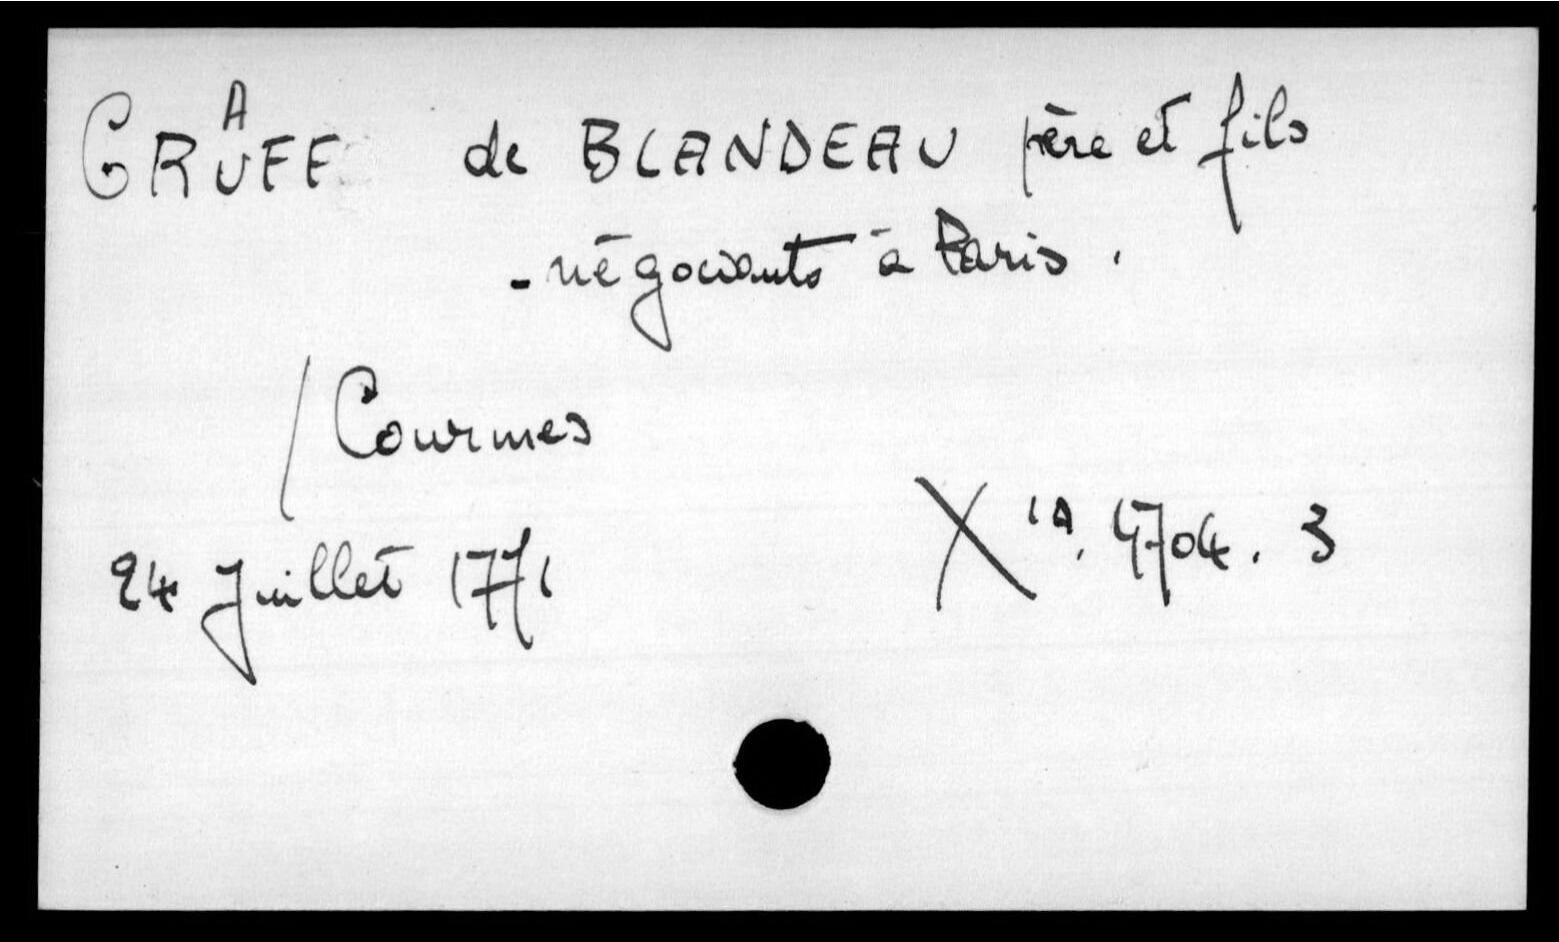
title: GRAF de BLANDEAU père et fils, négociants à Paris.
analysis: Contre Courmes
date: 24 juillet 1771
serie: X1A
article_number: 4704
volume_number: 3
